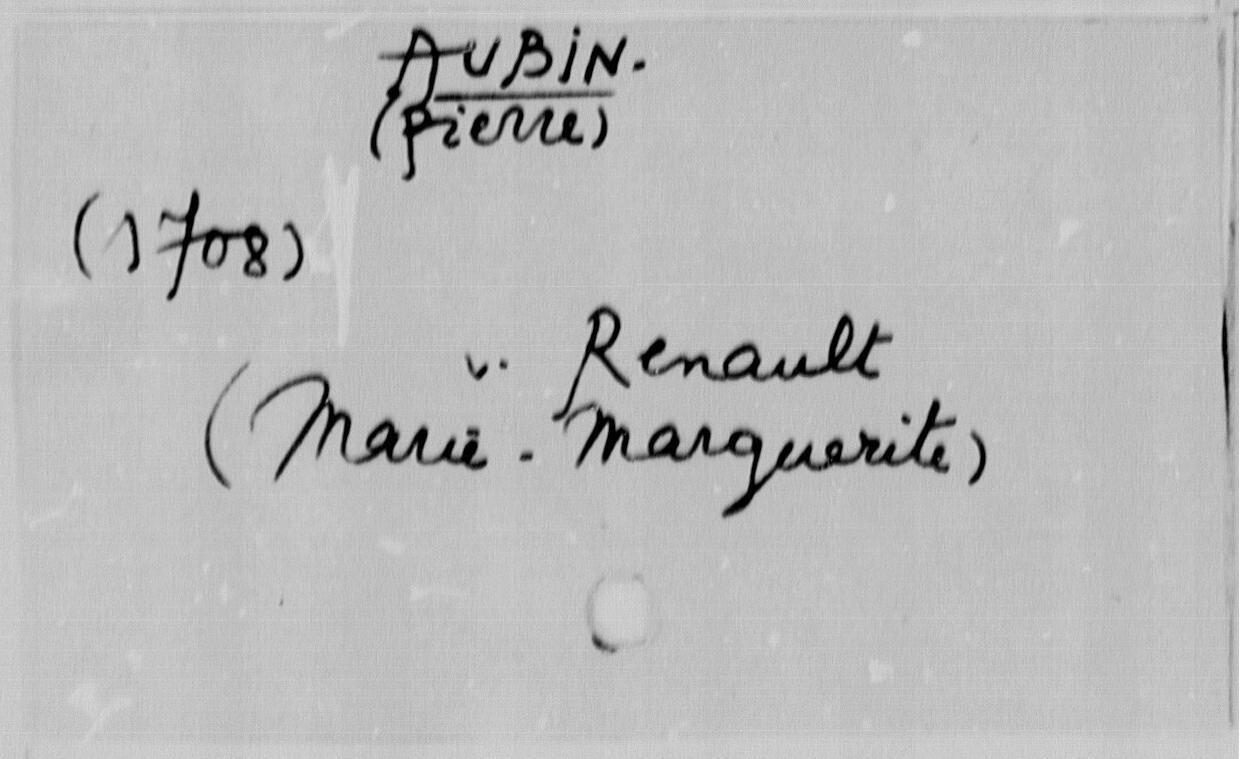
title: AUBIN (Pierre)
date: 1708
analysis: Voir Renault (Marie-Marguerite)
